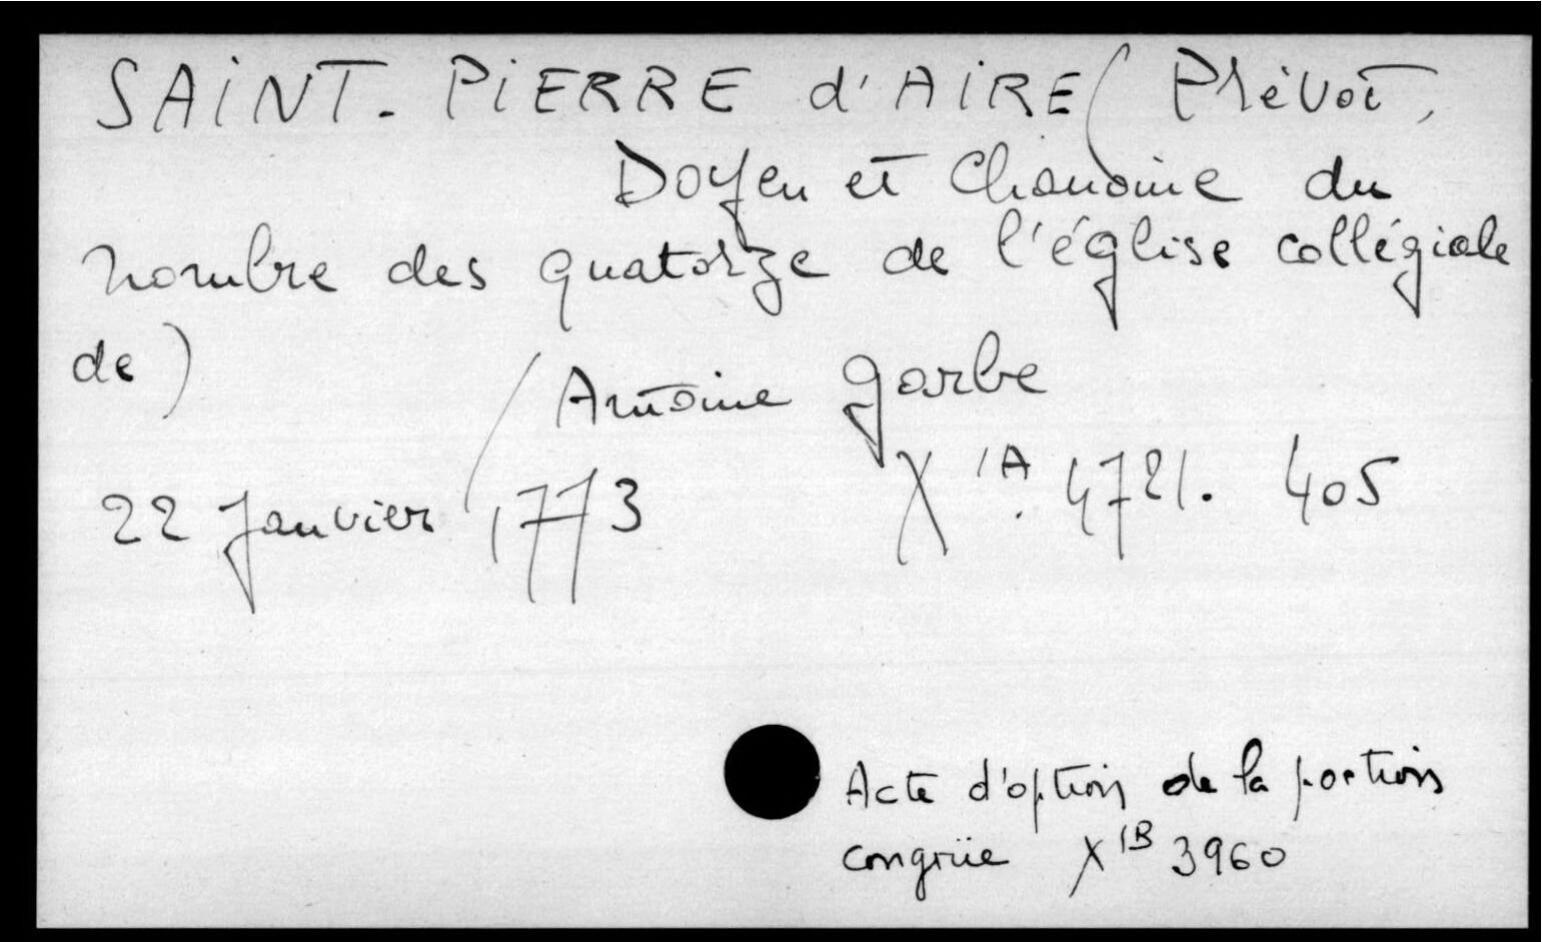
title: SAINT-PIERRE d'AIRE (Prévot, Doyen et chanoine du nombre des quatorze de l'église collégiale de)
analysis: Contre Anioine Garbe
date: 22 janvier 1773
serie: X1A
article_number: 4721
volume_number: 405
